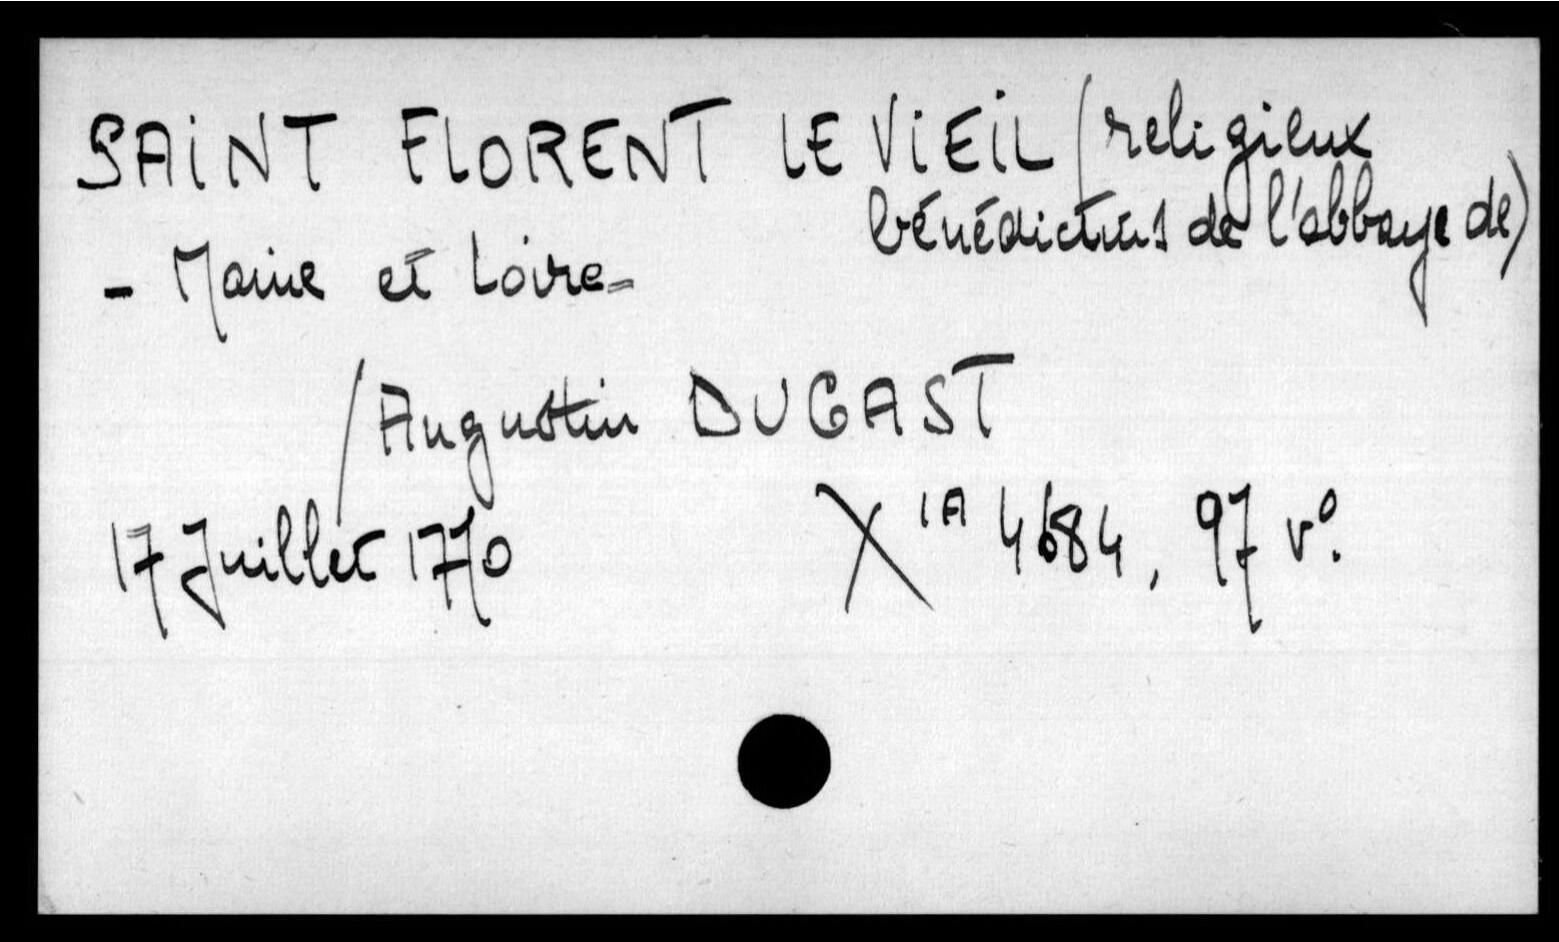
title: SAINT FLORENT LE VIEIL (religieux bénédictins de l'abbaye de) - Maine et Loire -
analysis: Contre Augustin DUGAST
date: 17 juillet 1770
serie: X1A
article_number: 4684
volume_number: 97v
